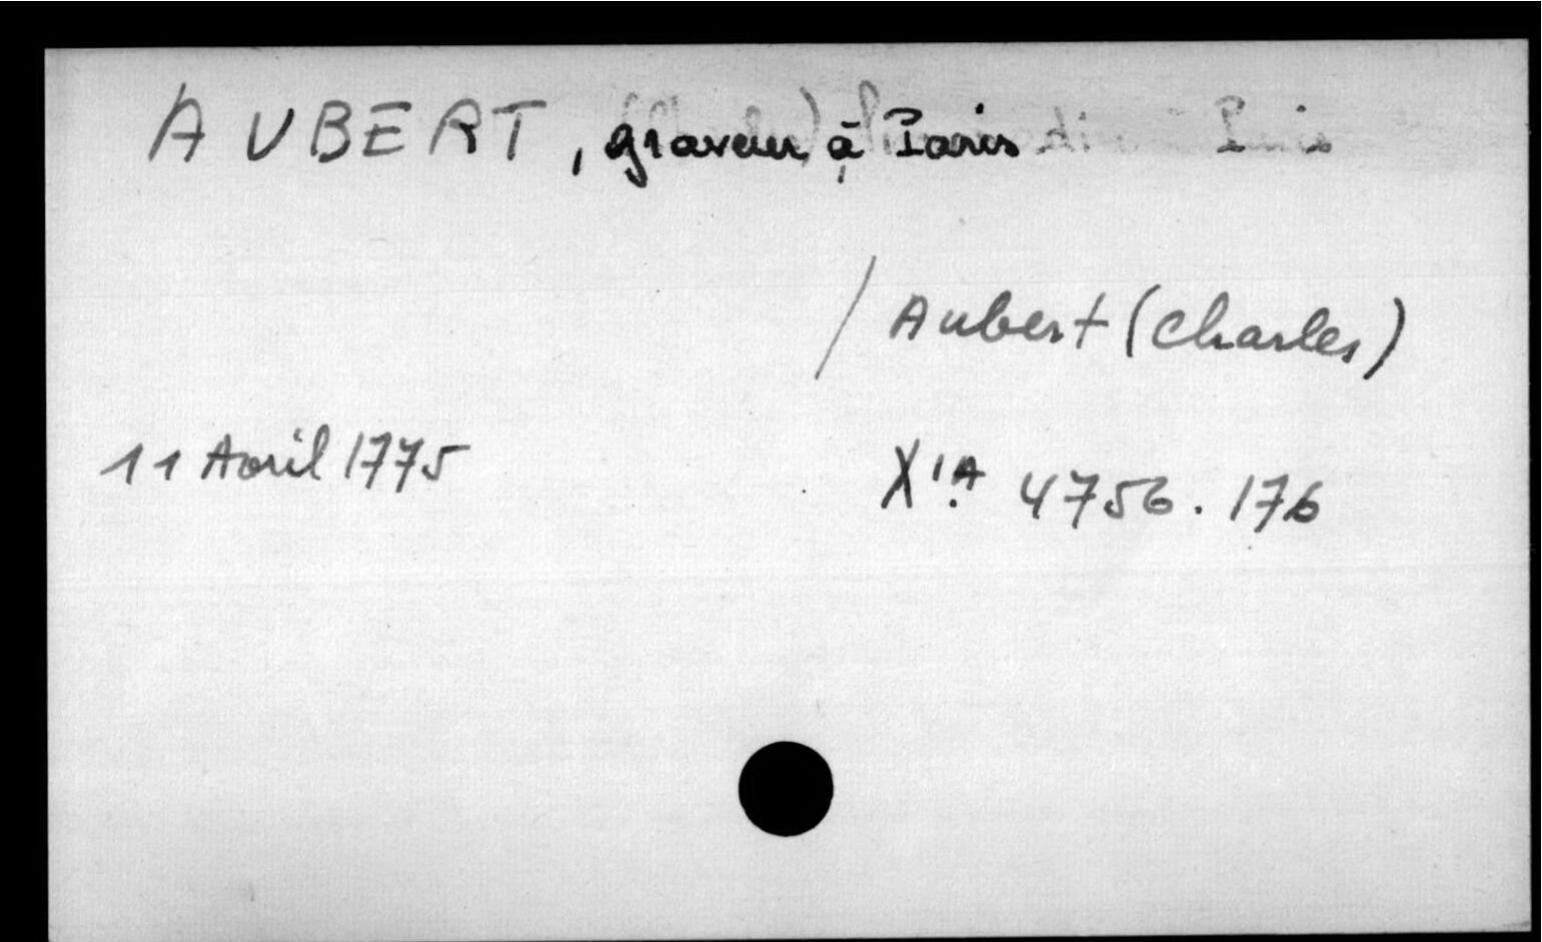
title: AUBERT, graveur à Paris
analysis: Contre Aubert (Charles)
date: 11 avril 1775
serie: X1A
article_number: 4756
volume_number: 176
